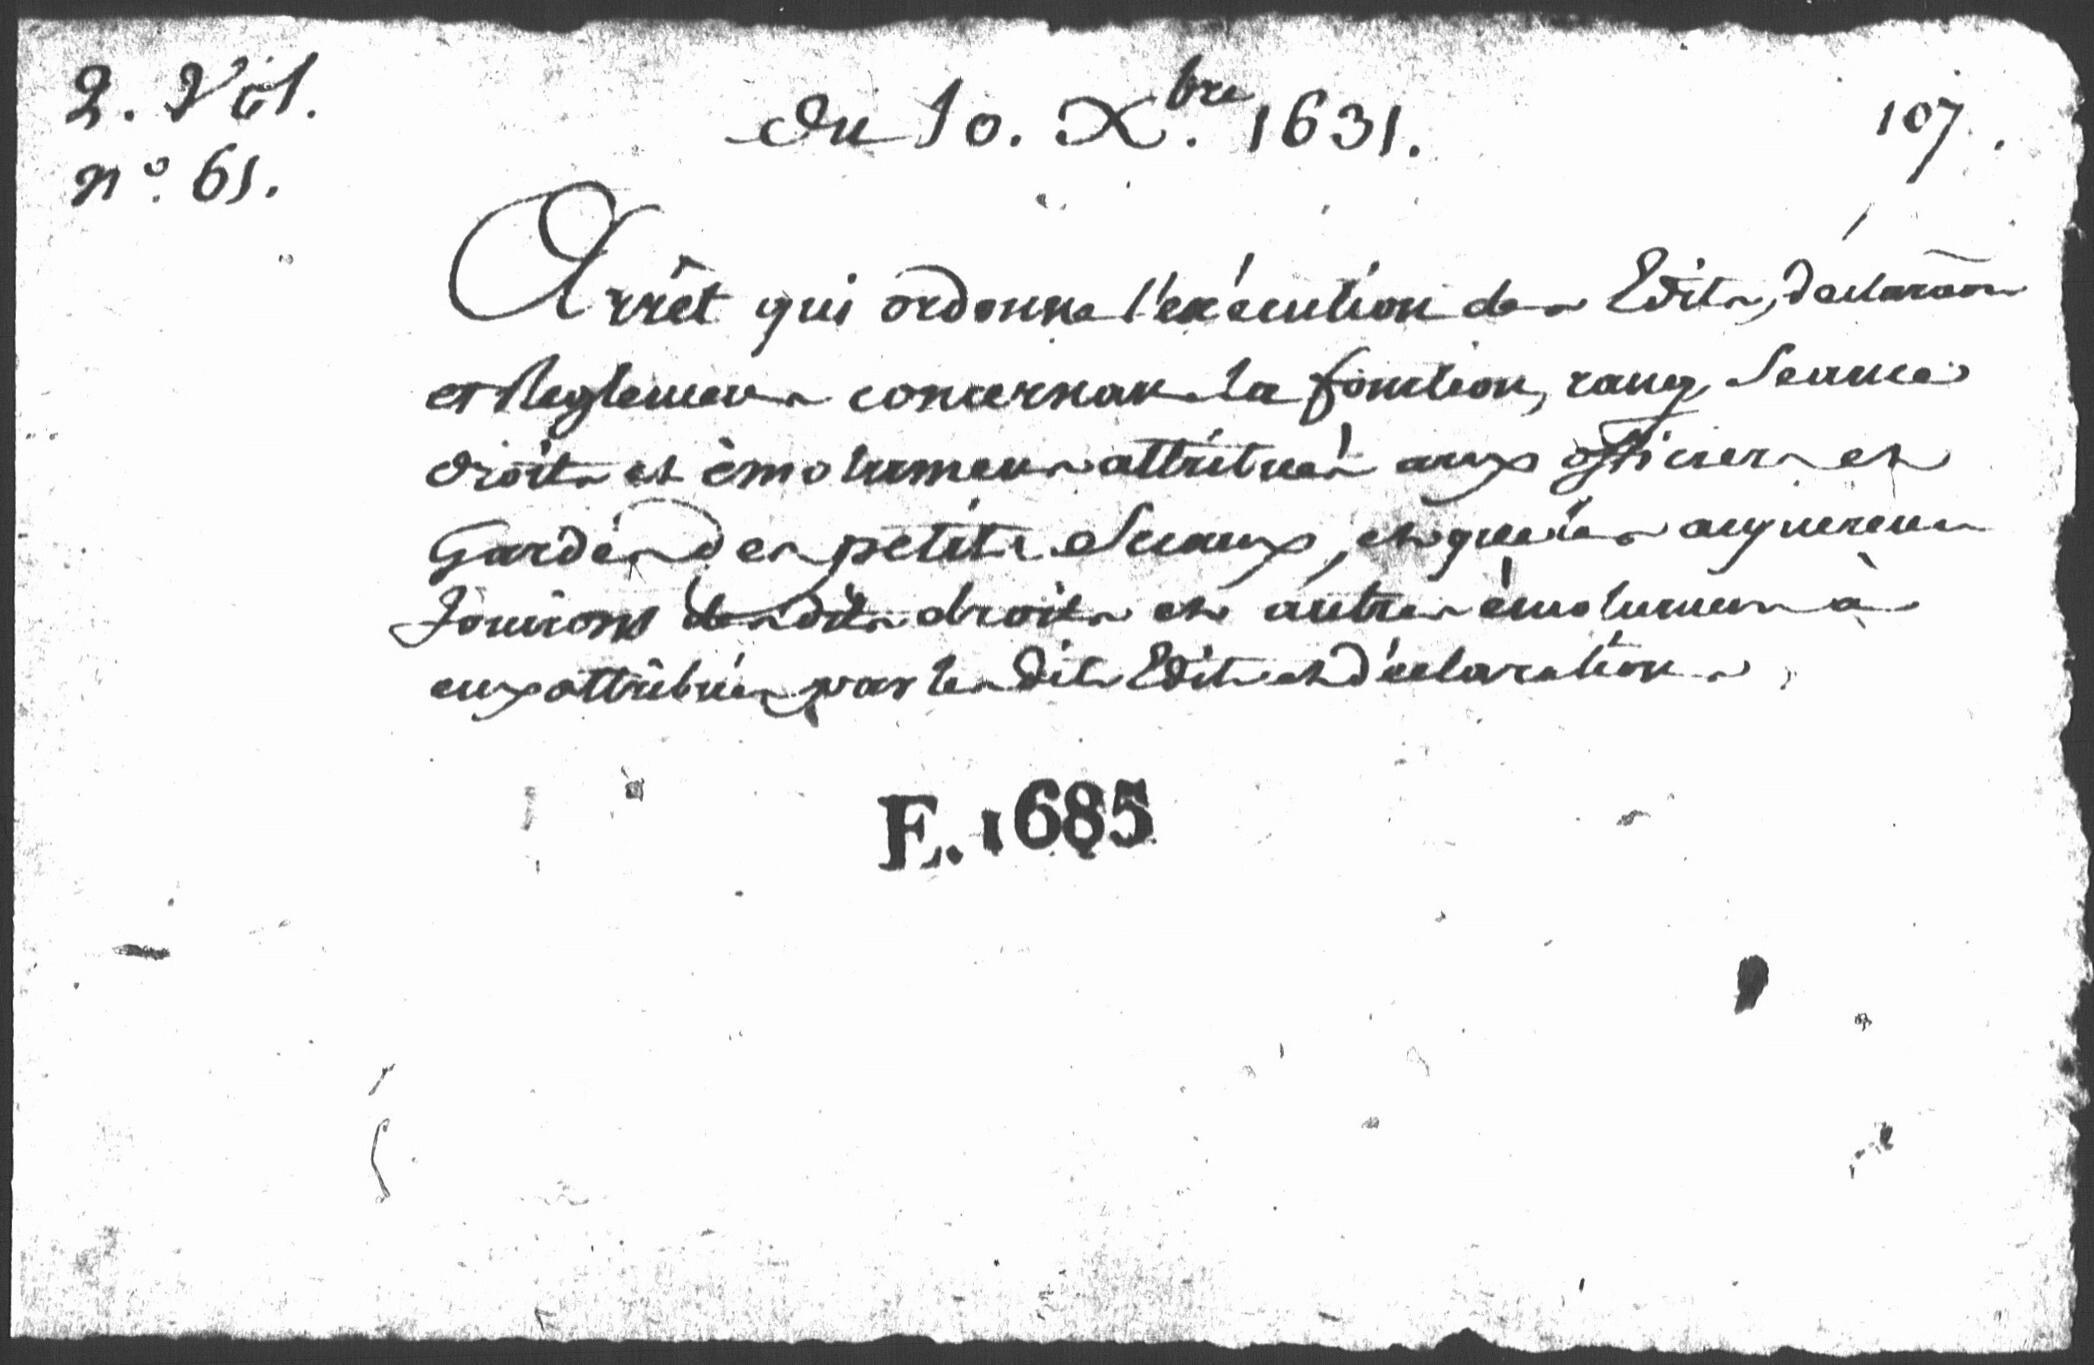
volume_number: n°61
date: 10 décembre 1631
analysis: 107
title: Arrêt qui ordonne l'exécution des edits, déclarons et Reglemens concernant la fonction, rang, seance droits et émolumens attribués aux officiers et gardes des petits sceaux, et que les acquereurs jouiront desdits droits et autres émolumens à eux attribués par lesdts Edits et déclarations
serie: E
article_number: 1685
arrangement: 2. vol.
